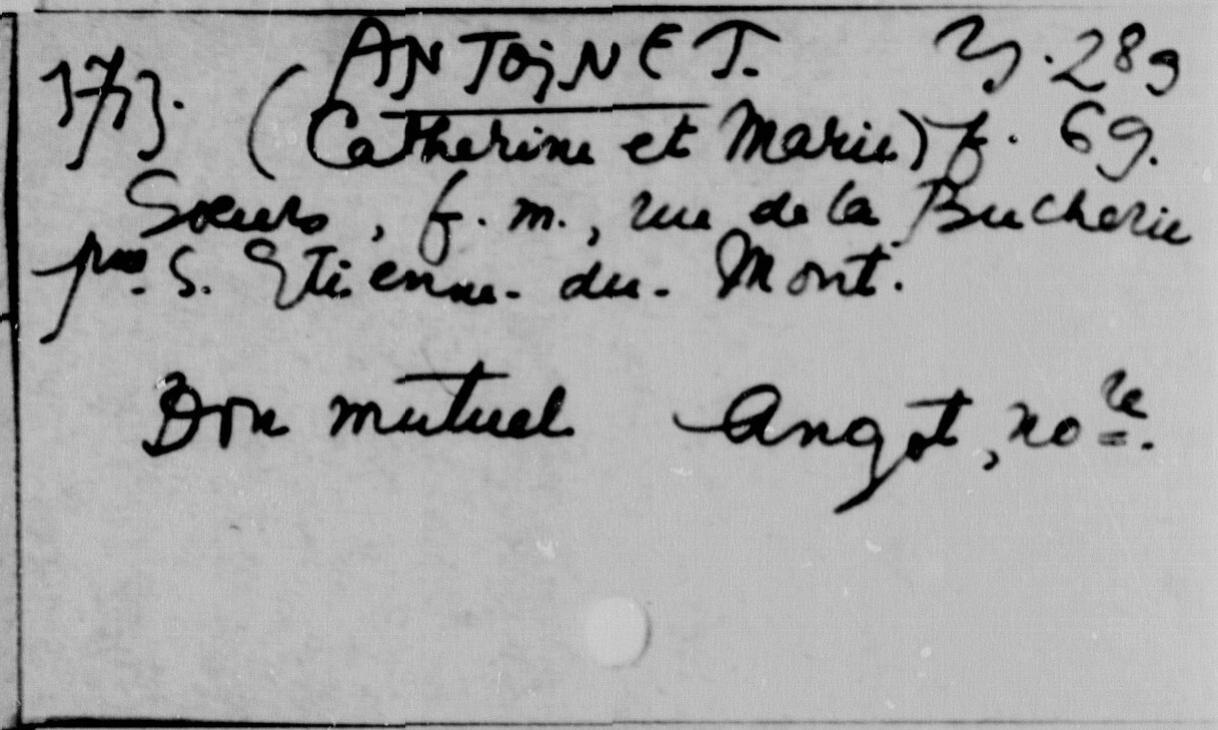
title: ANTOINET (Catherine et Marie)
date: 1713
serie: Y
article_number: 289
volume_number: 69
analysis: Sœurs, filles majeures, rue de la Bucherie, paroisse Saint-Étienne-du-Mont. Don mutuel. Angot, notaire.
